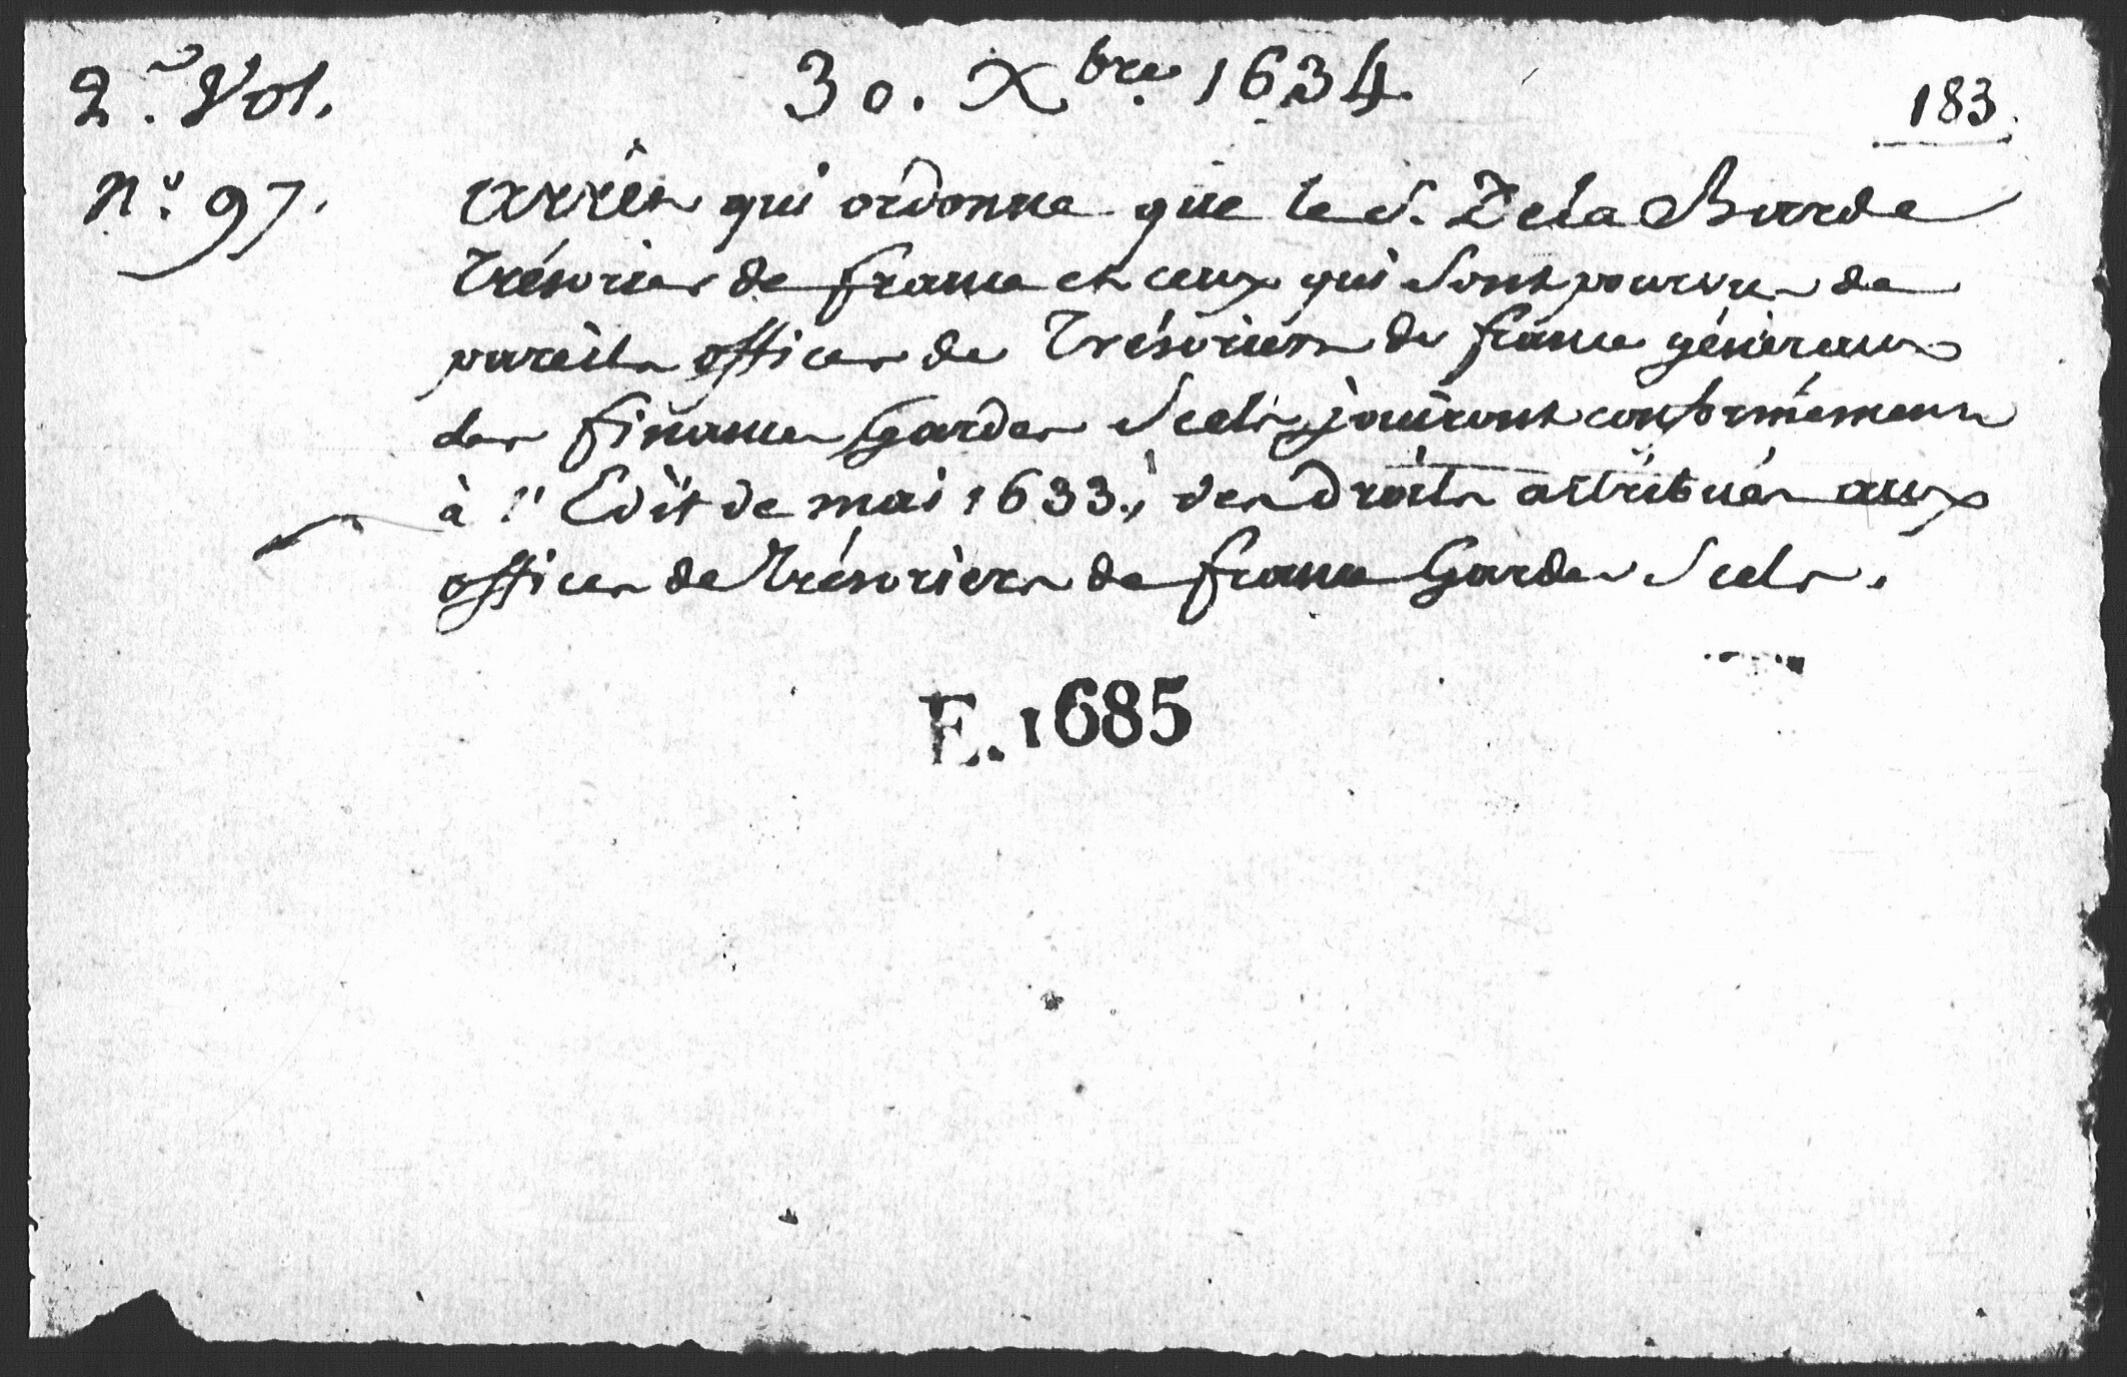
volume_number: n°97
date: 30 décembre 1634
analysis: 183
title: Arrêt qui ordonne que le S. De la Barde Trésorier de france et ceux qui sont pourvus de pareil office de Trésoriers de france généraux des finances Gardes Scels jouiront conformément à l'Edit de mai 1633, des droits attribués aux offices de Trésoriers de france Gardes Scels.
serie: E
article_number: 1685
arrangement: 2.e vol.
